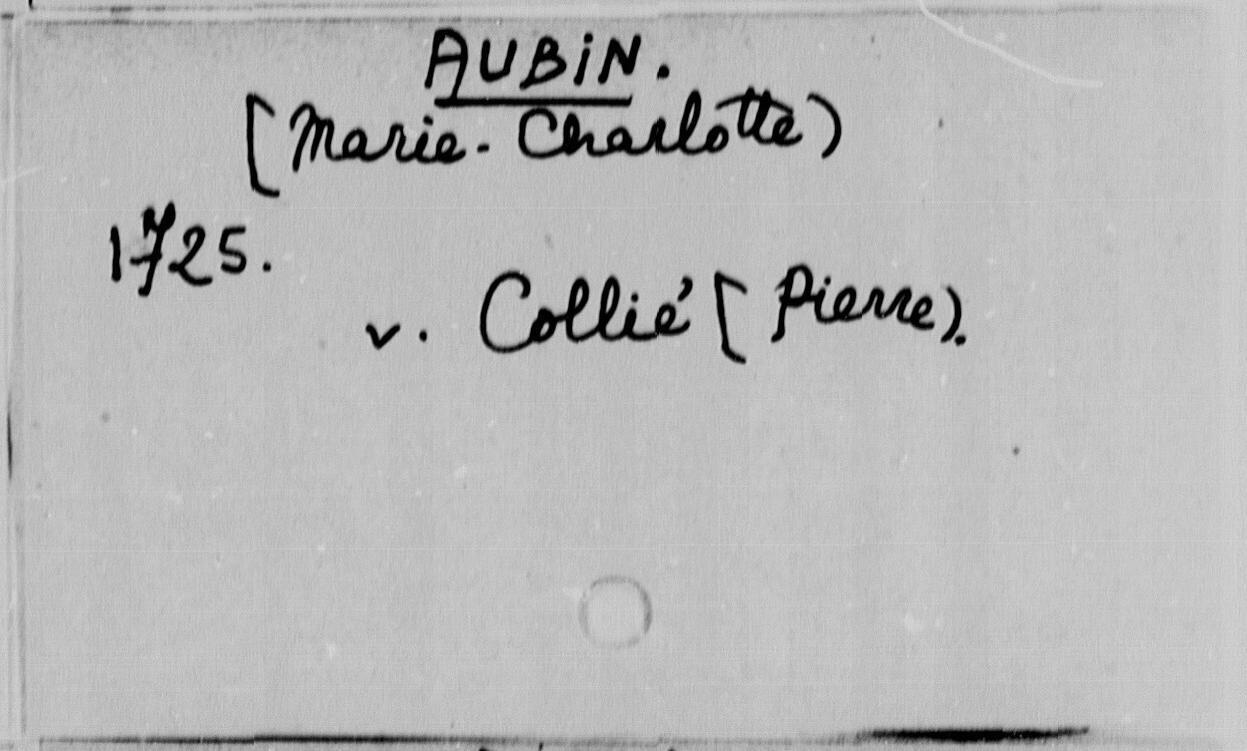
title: AUBIN (Marie-Charlotte)
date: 1725
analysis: Voir COLLIÉ (Pierre)
